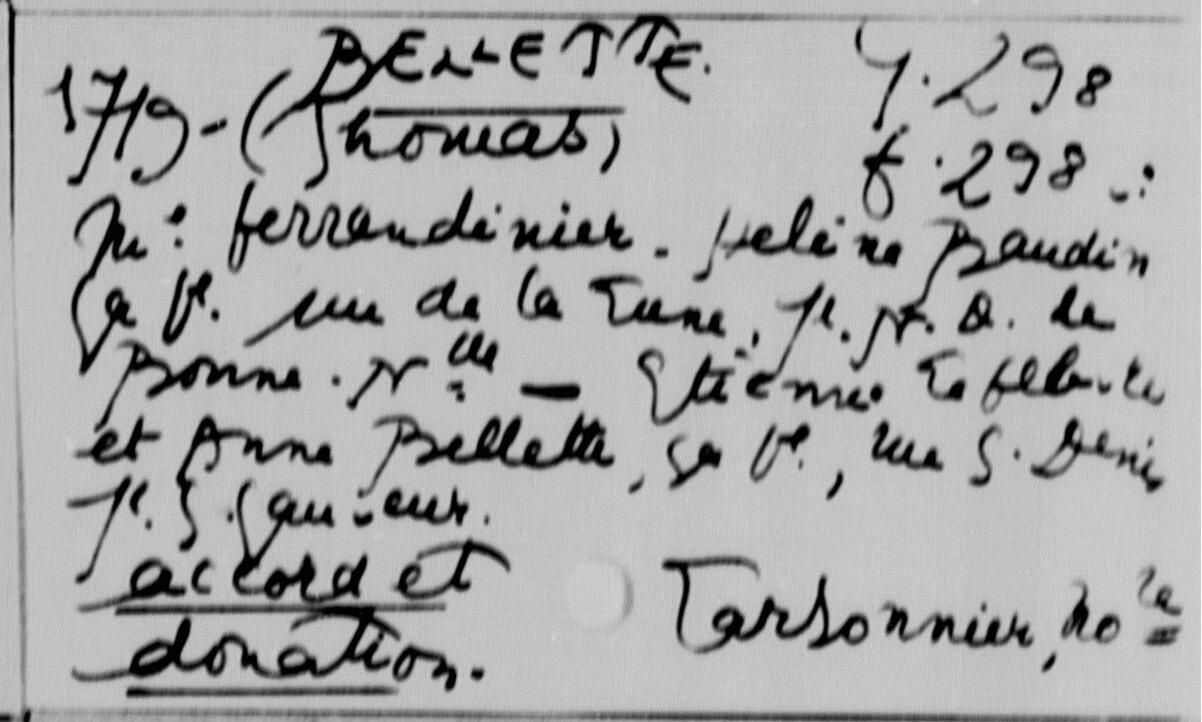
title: BELLETTE (Thomas)
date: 1719
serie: Y
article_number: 298
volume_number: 298v
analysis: Maître ferrandinier. Hélène Baudin sa femme, rue de la Lune, paroisse Notre-Dame de Bonne-Nouvelle. Etienne Lefebvre et Anne Bellette, sa femme, rue Saint Denis paroisse Saint-Sauveur. Accord et donation. Larsonnier, notaire
